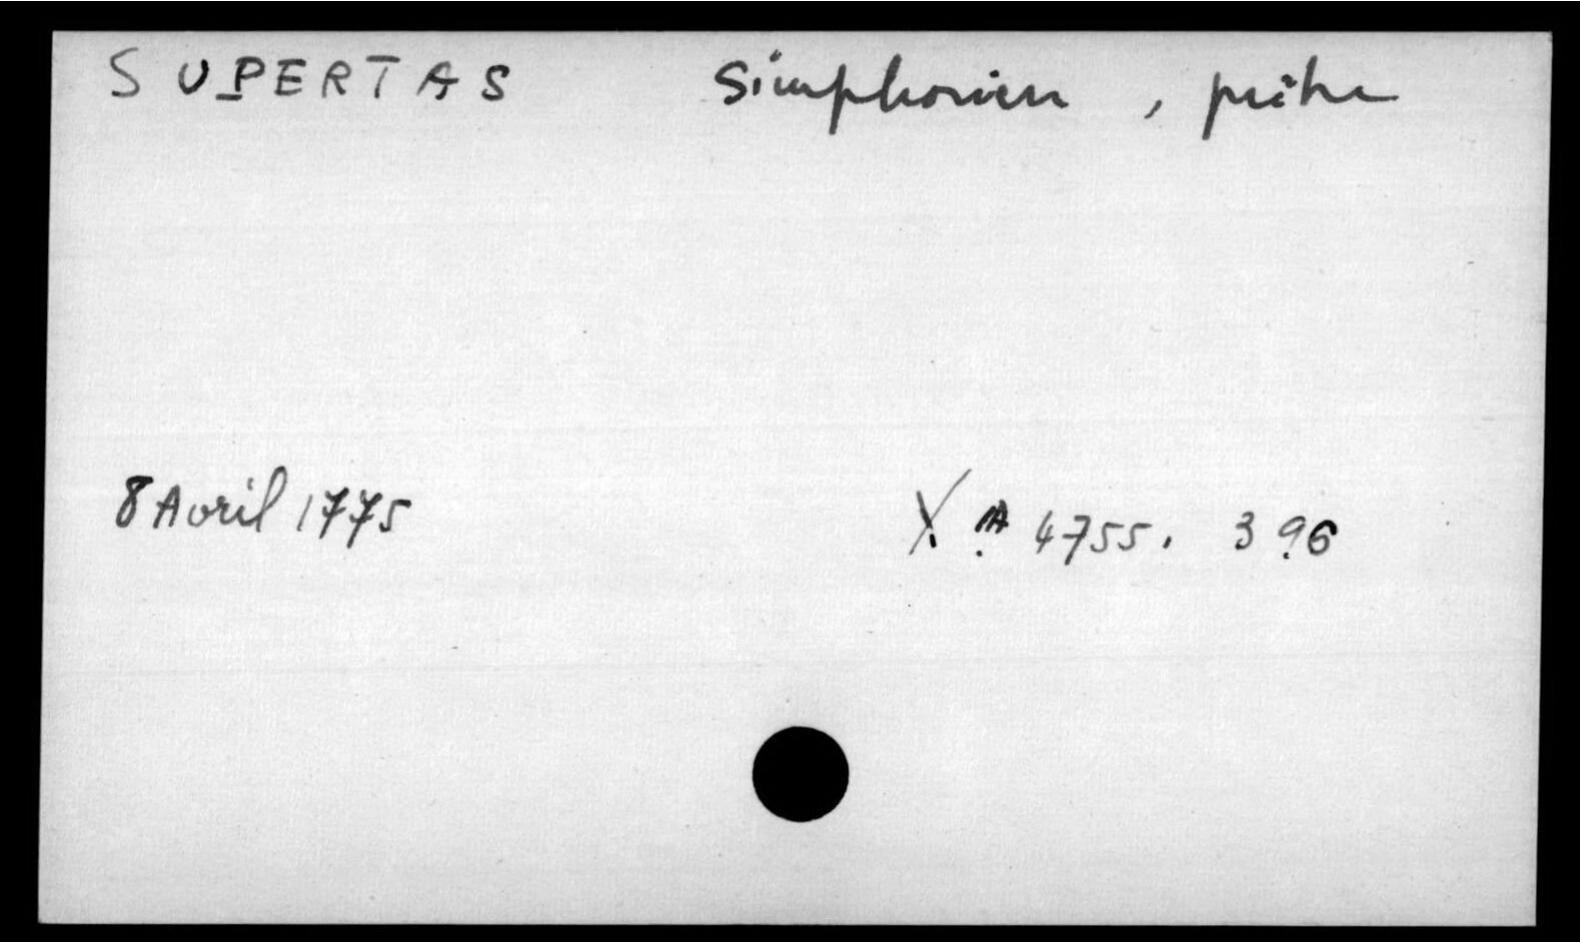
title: SUPERTAS Simphorien , prêtre
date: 8 avril 1775
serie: X1A
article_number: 4755
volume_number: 396
